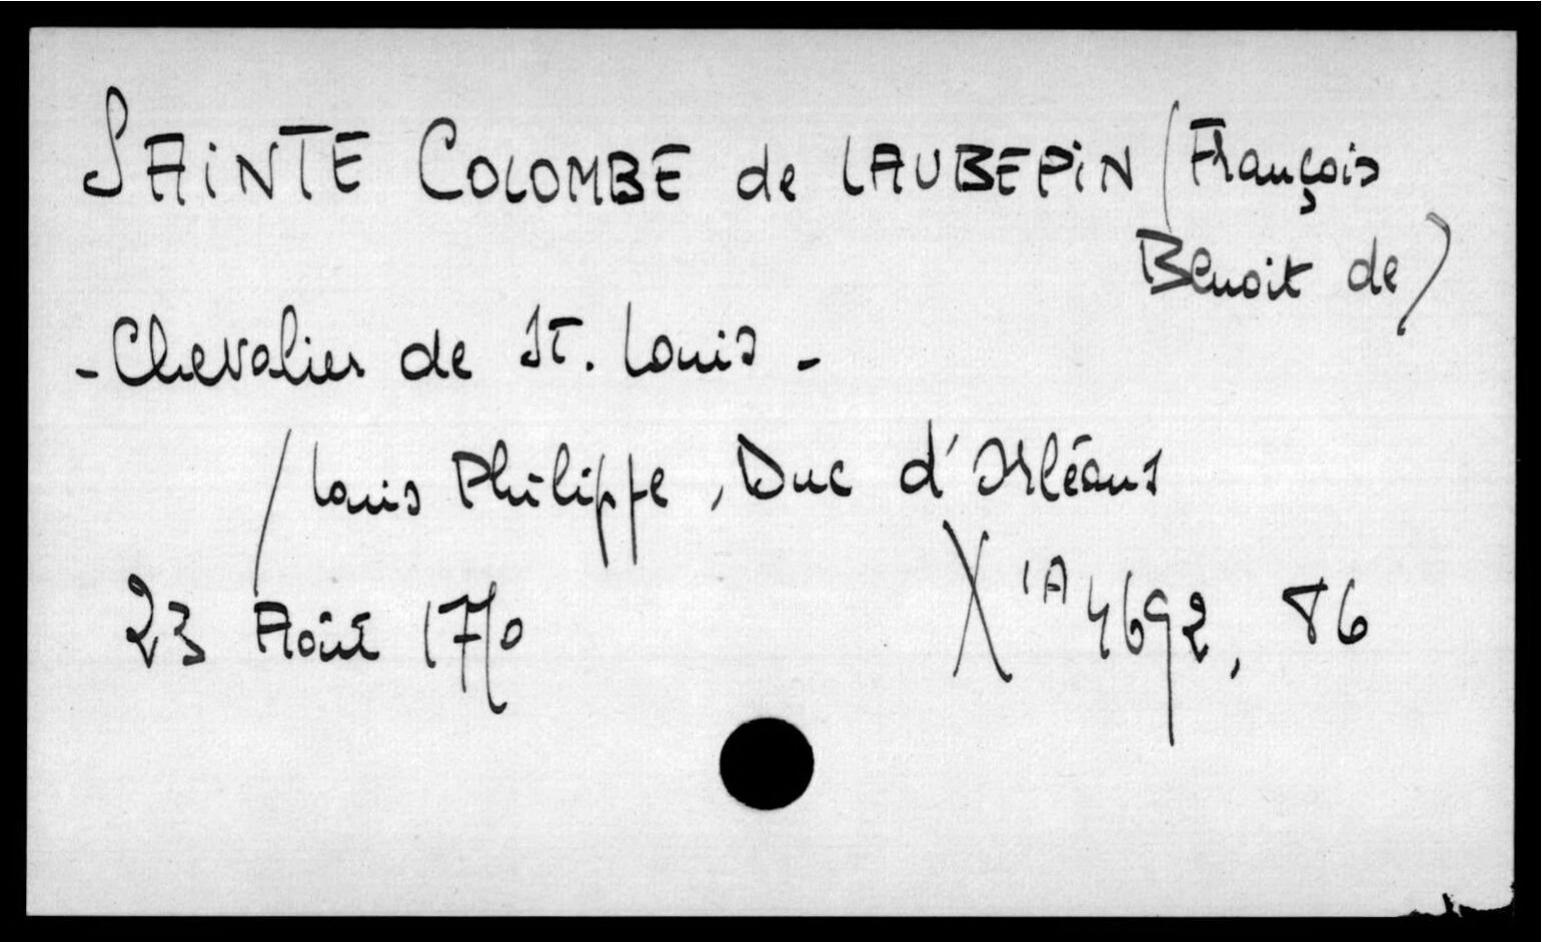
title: SAINTE COLOMBE de LAUBEPIN (François Benoît de)
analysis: Contre Louis Philippe, Duc d'Orléans
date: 23 août 1770
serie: X1A
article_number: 4692
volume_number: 86
